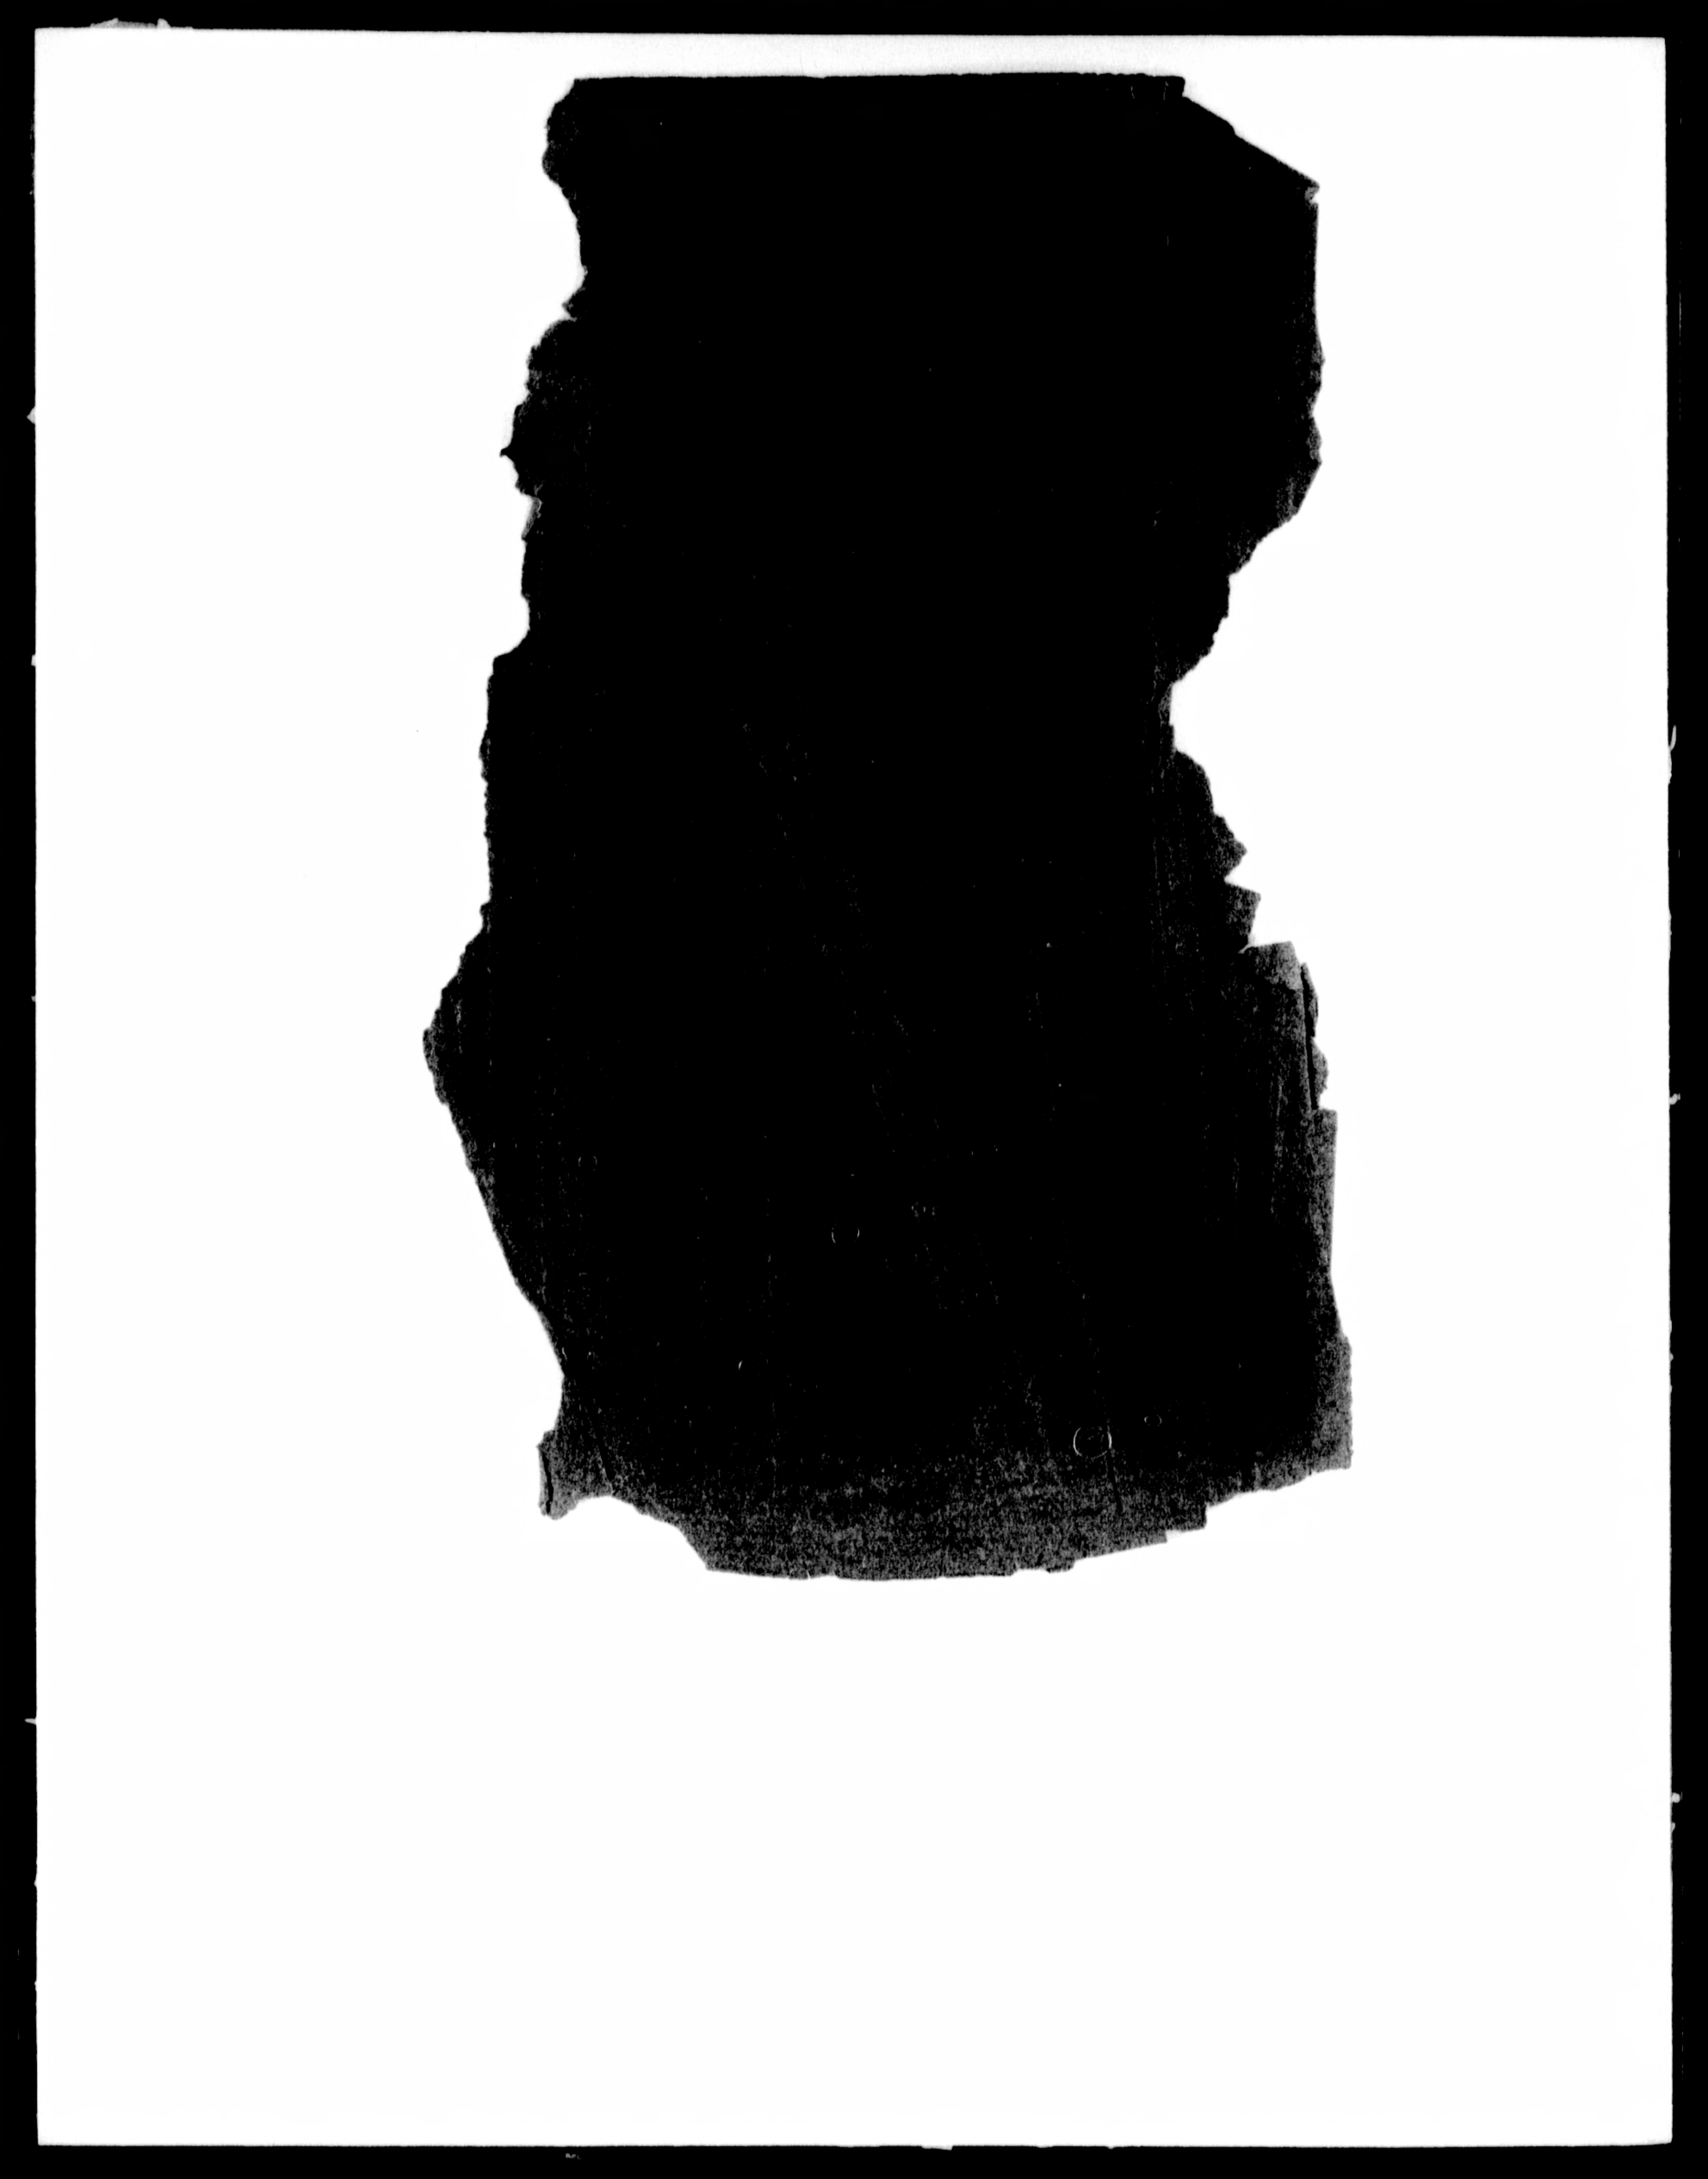[DOCUMENT IS TOO DARK TO TRANSCRIBE]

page: 6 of 102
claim: widow's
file: W. 18239, Isaac Van Wart, New York